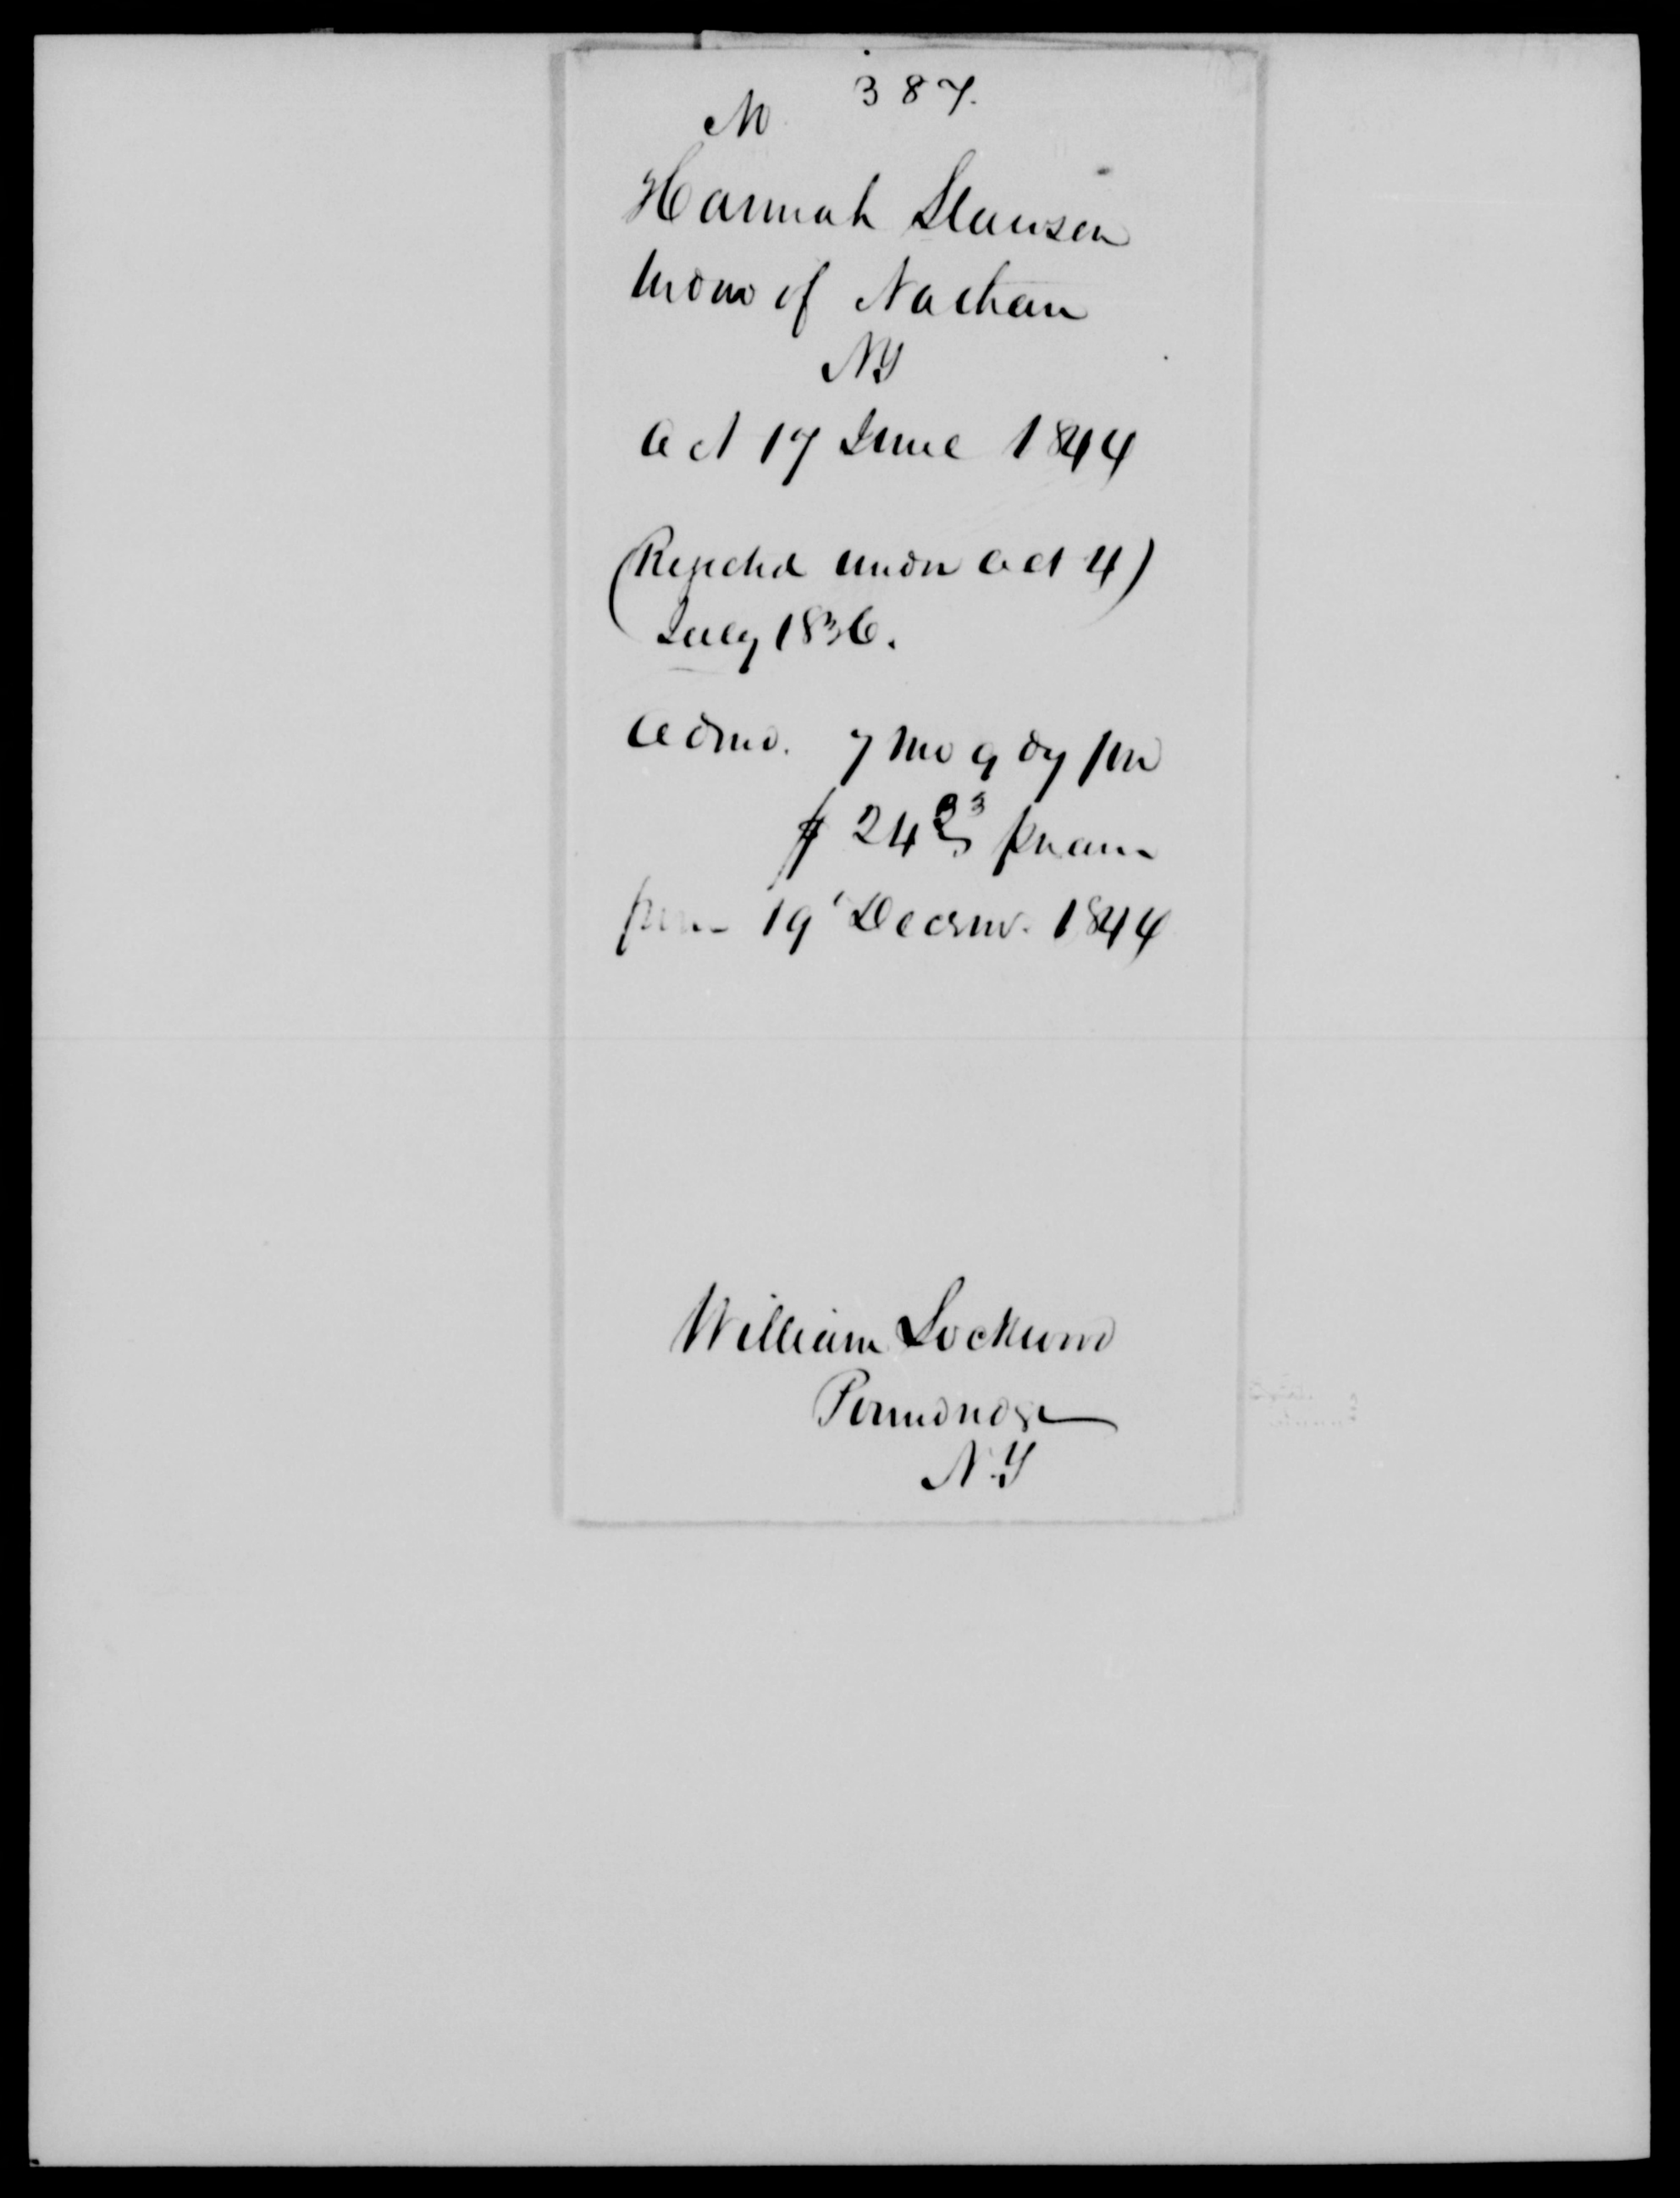No 387. 
Hannah Slawson 
widow of Nathan 
NY 
Act 17 June 1844 
(Rejected under Act 4  July 1836.)
admd 7 mo 9 day pri
$24.33 
pen 19 Decem. 1844 
William Lockwood 
Poundridge NY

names: Nathan Slawson; Hannah Slawson; William Lockwood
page: 47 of 87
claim: widow's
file: W. 22,226, for Nathan Slawson, Connecticut